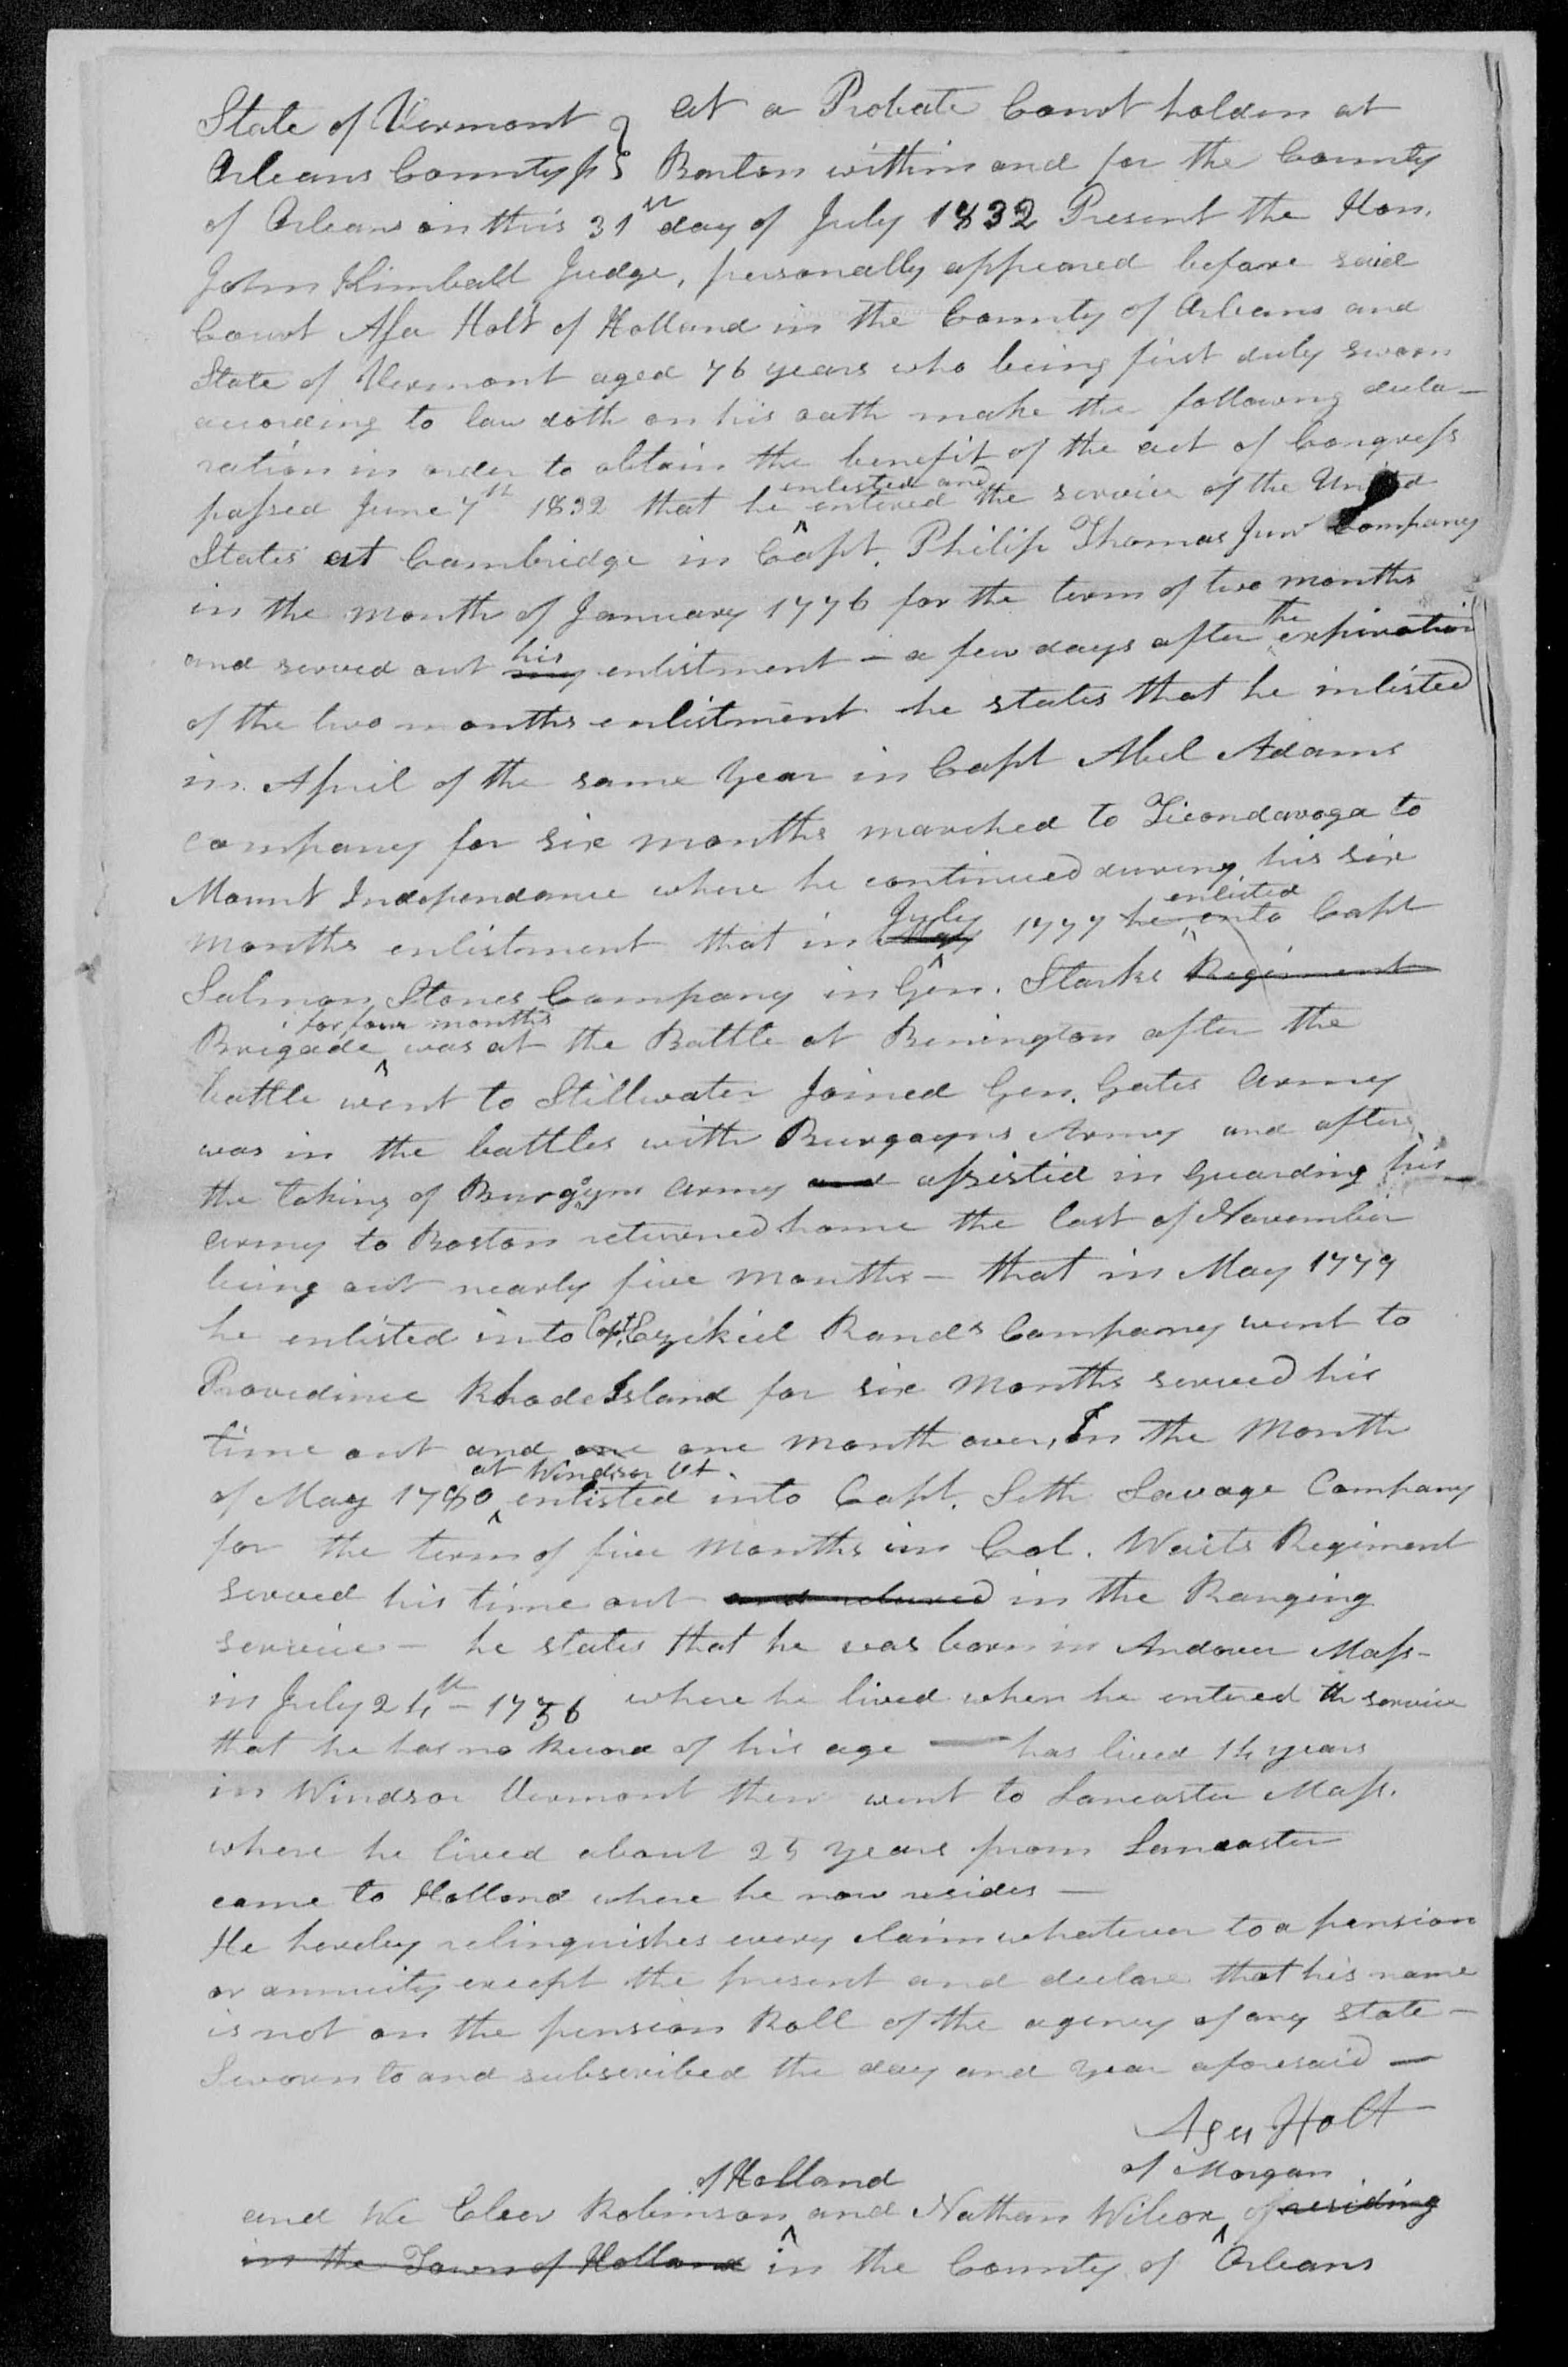State of Vermont Orleans County SS at a Probate Court holden at Barton within and for the County of Orleans on this 31st day of July 1832 Present the Hon. John Kimball Judge, personally appeared before said Court Asa Holt of Holland in the County of Orleans and state of Vermont aged 76 years who being first duly sworn according to law doth on his oath make the following declaration in order to obtain the benefit of the act of Congress passed June 7th 1832 that he enlisted and entered the service of the United States at Cambridge in Capt Philip Thomas Junr Company in the month of January 1776 for the term of two months and served out his enlistment - a few days after the expiration of the two months enlistment he states that he inlisted in April of the same year in Capt Abel Adams company for six months marched to Ticonderoga to Mount Independence where he continued during his six months enlistment that in July 1777 he enlisted into Capt Salmon Stones Company in Gen. Starks Brigade for four months was at the Battle of Benington after the battle went to Stillwater joined Gen. Gates Army was in the battles with Burgoynes Army and after the taking of Burgoynes Army assisted in guarding his army to Boston returned home the last of November being out nearly five months - that in May 1779 he enlisted into Capt Ezekiel Randts Company went to Providence Rhode Island for six months served his time out and one month over. In the month of May 1780 at Windsor Vt. enlisted into Capt Seth Savage Company for the time of five months in Col. Waits Regiment served his time out in the Ranging service - he states that he was born in Andover Mass - in July 24th 1756 where he lived when he entered the service that he has no record of his age - has lived 14 years in Windsor Vermont then went to Lancaster Mass. where he lived about 25 years from Lancaster came to Holland where he now resides.
He hereby relinquishes every claim whatever to a pension or annuity except the present and declares that his name is not on the pension Roll of the agency of any state.
Sworn to and subscribed the day and year aforesaid.
Asa Holt

and we Eber Robinson of Holland in the County of Orleans and Nathan Wilson of Morgan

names: Asa Holt, Nathan Wilcox, Asa Holt, Philip Thomas, Lancaster Mass, John Kimball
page: 3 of 24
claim: rejected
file: R. 5180, Asa Holt, Mass. Vt.